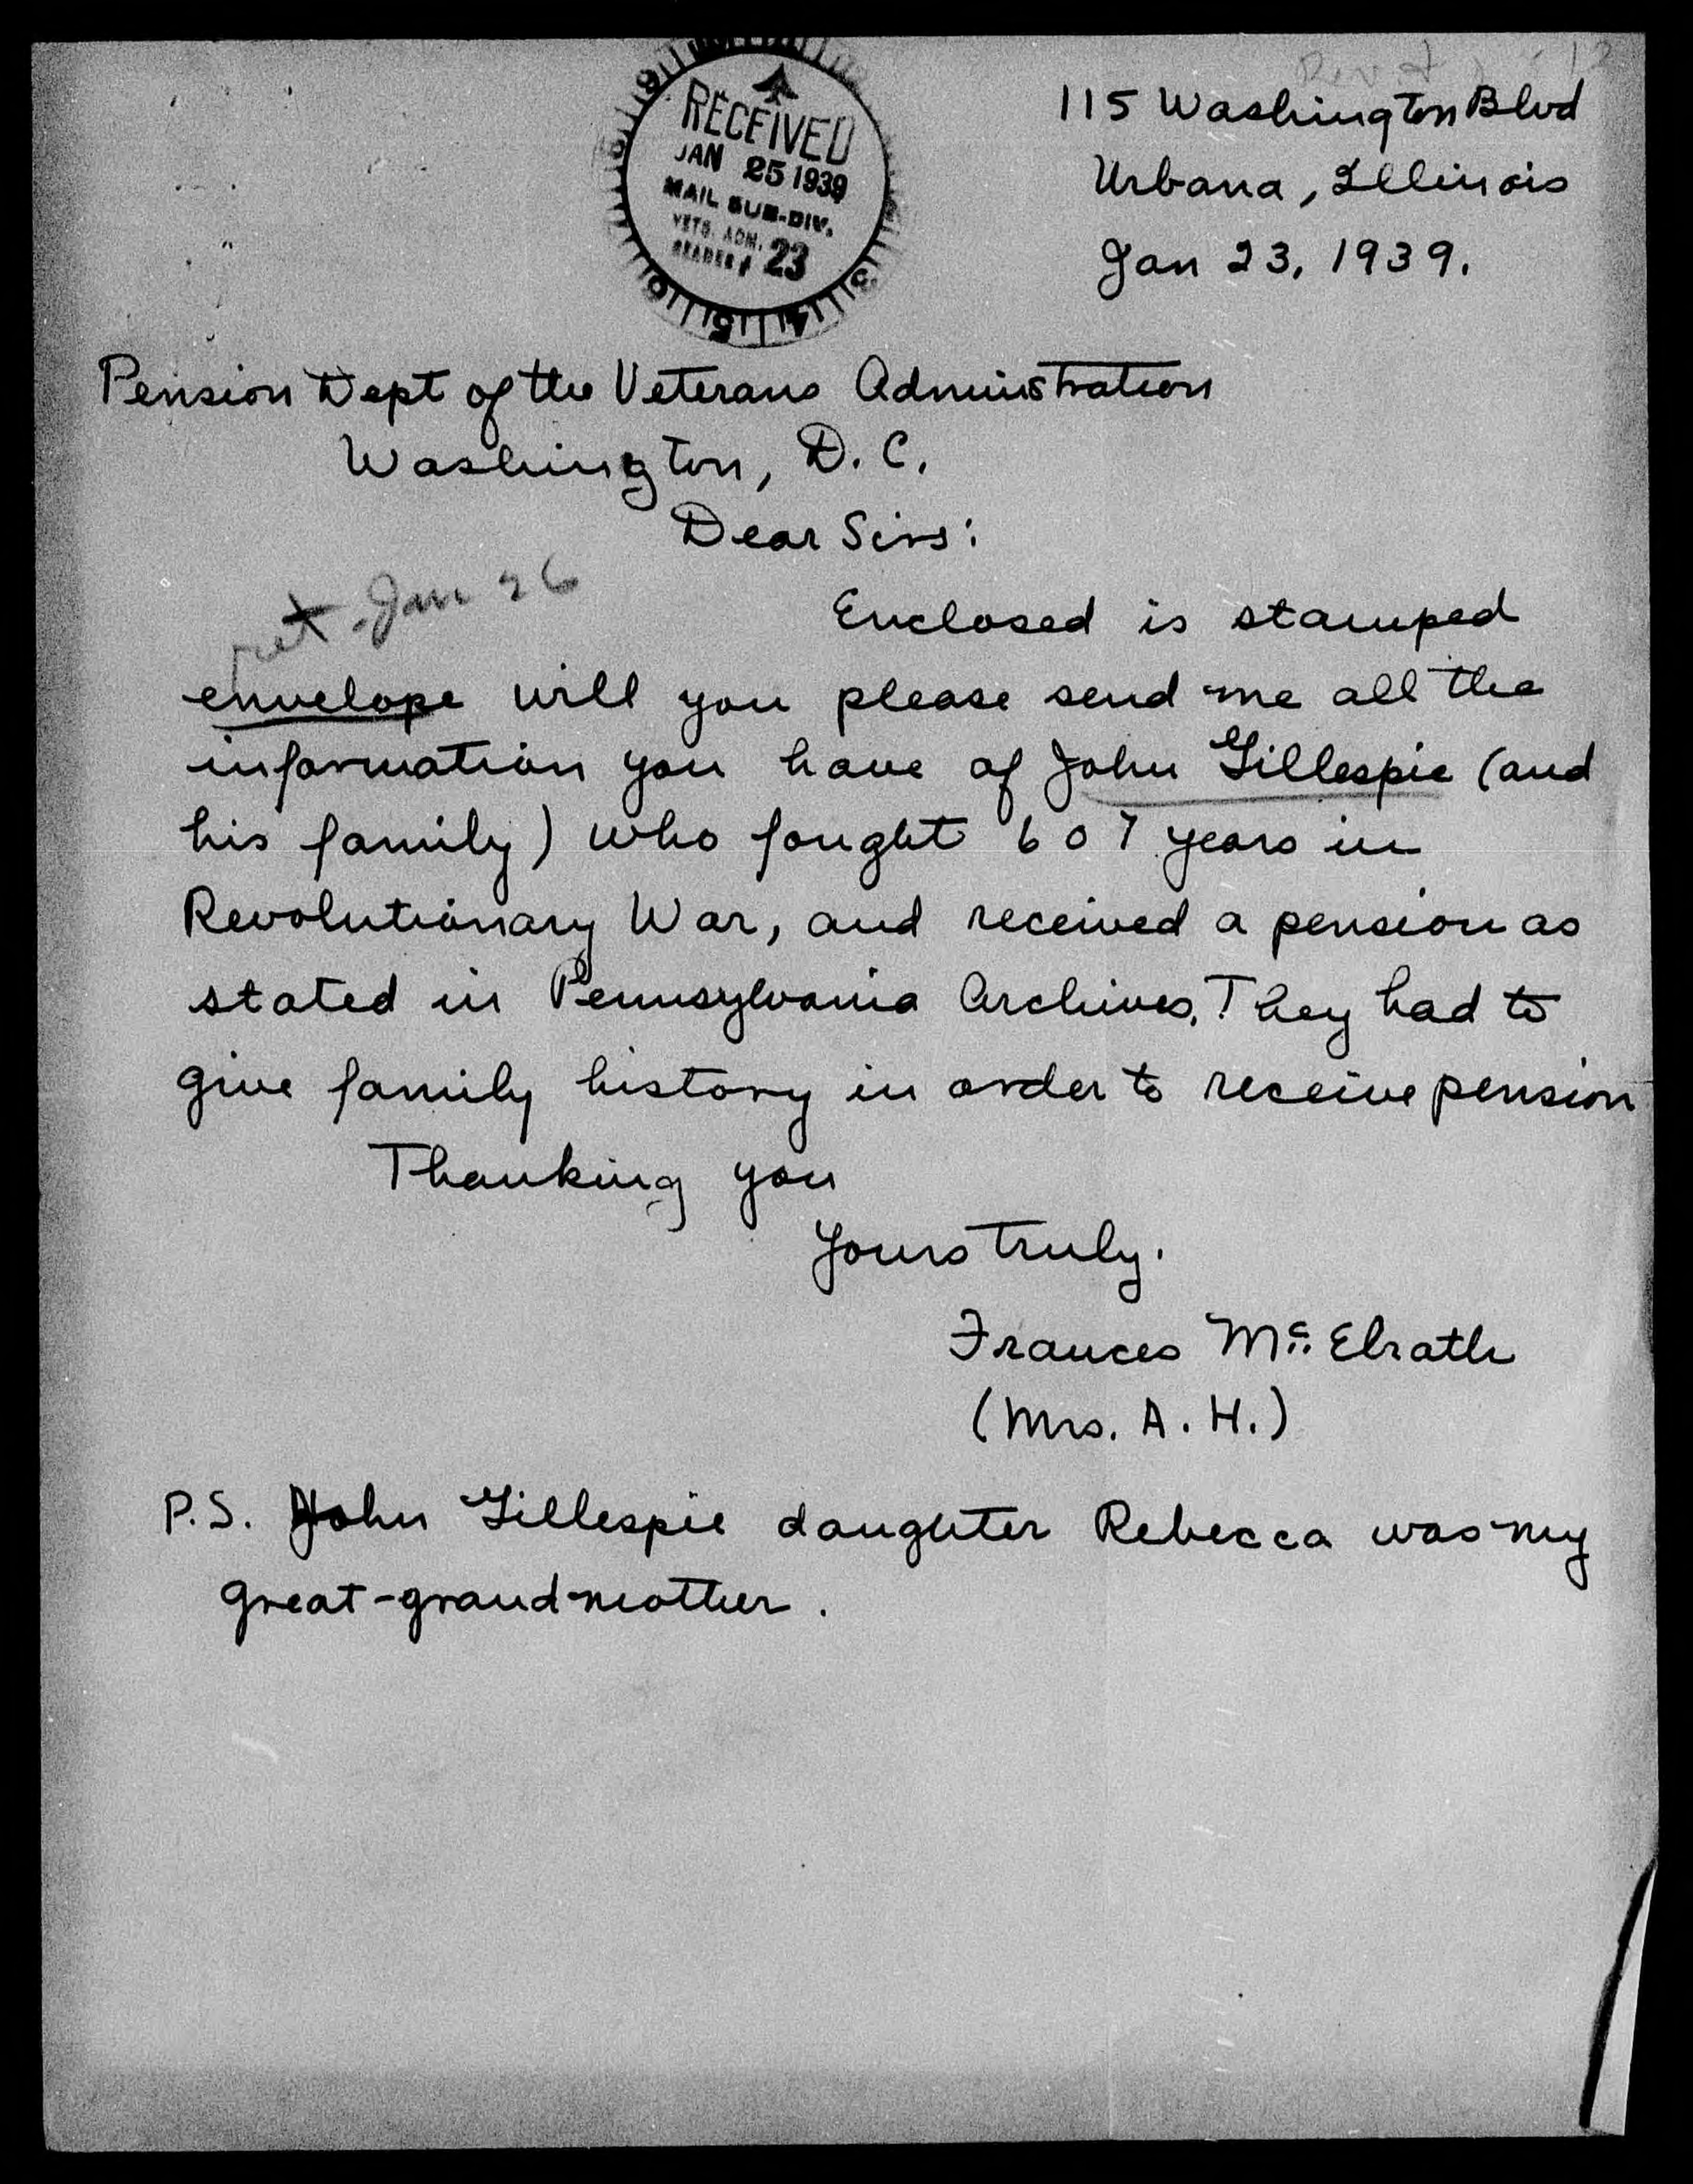[receipt stamp: Received Jan 15, 1939
Mail Sub Div
Vets. Adm. Reader
 23
115 Washington Blvd
Urbana, Illinois
Jan 23, 1939
Pension Dept of the Veterans Administration
Washington, D.C.
Dear Sirs: Enclosed is stamped envelope [hand written notations "ret. Jan 26"] will you please send me all the information you have of John Gillespie (and his family) who fought 6 or 7 years in Revolutionary War, and received a pension as stated in Pennsylvania Archives. They had to give family history in order to receive pension
Thanking you
Yours truly,
Francess McElrath
(Mrs. A.H.)
P.S. John Gillepsie daughter Rebecca was my great grandmother.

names: Rebecca, John Gillespie, A H, John Gillespie, Frances Mc Elrath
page: 18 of 20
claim: survivor's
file: S. 41581, John Gillespie, Continental Del.